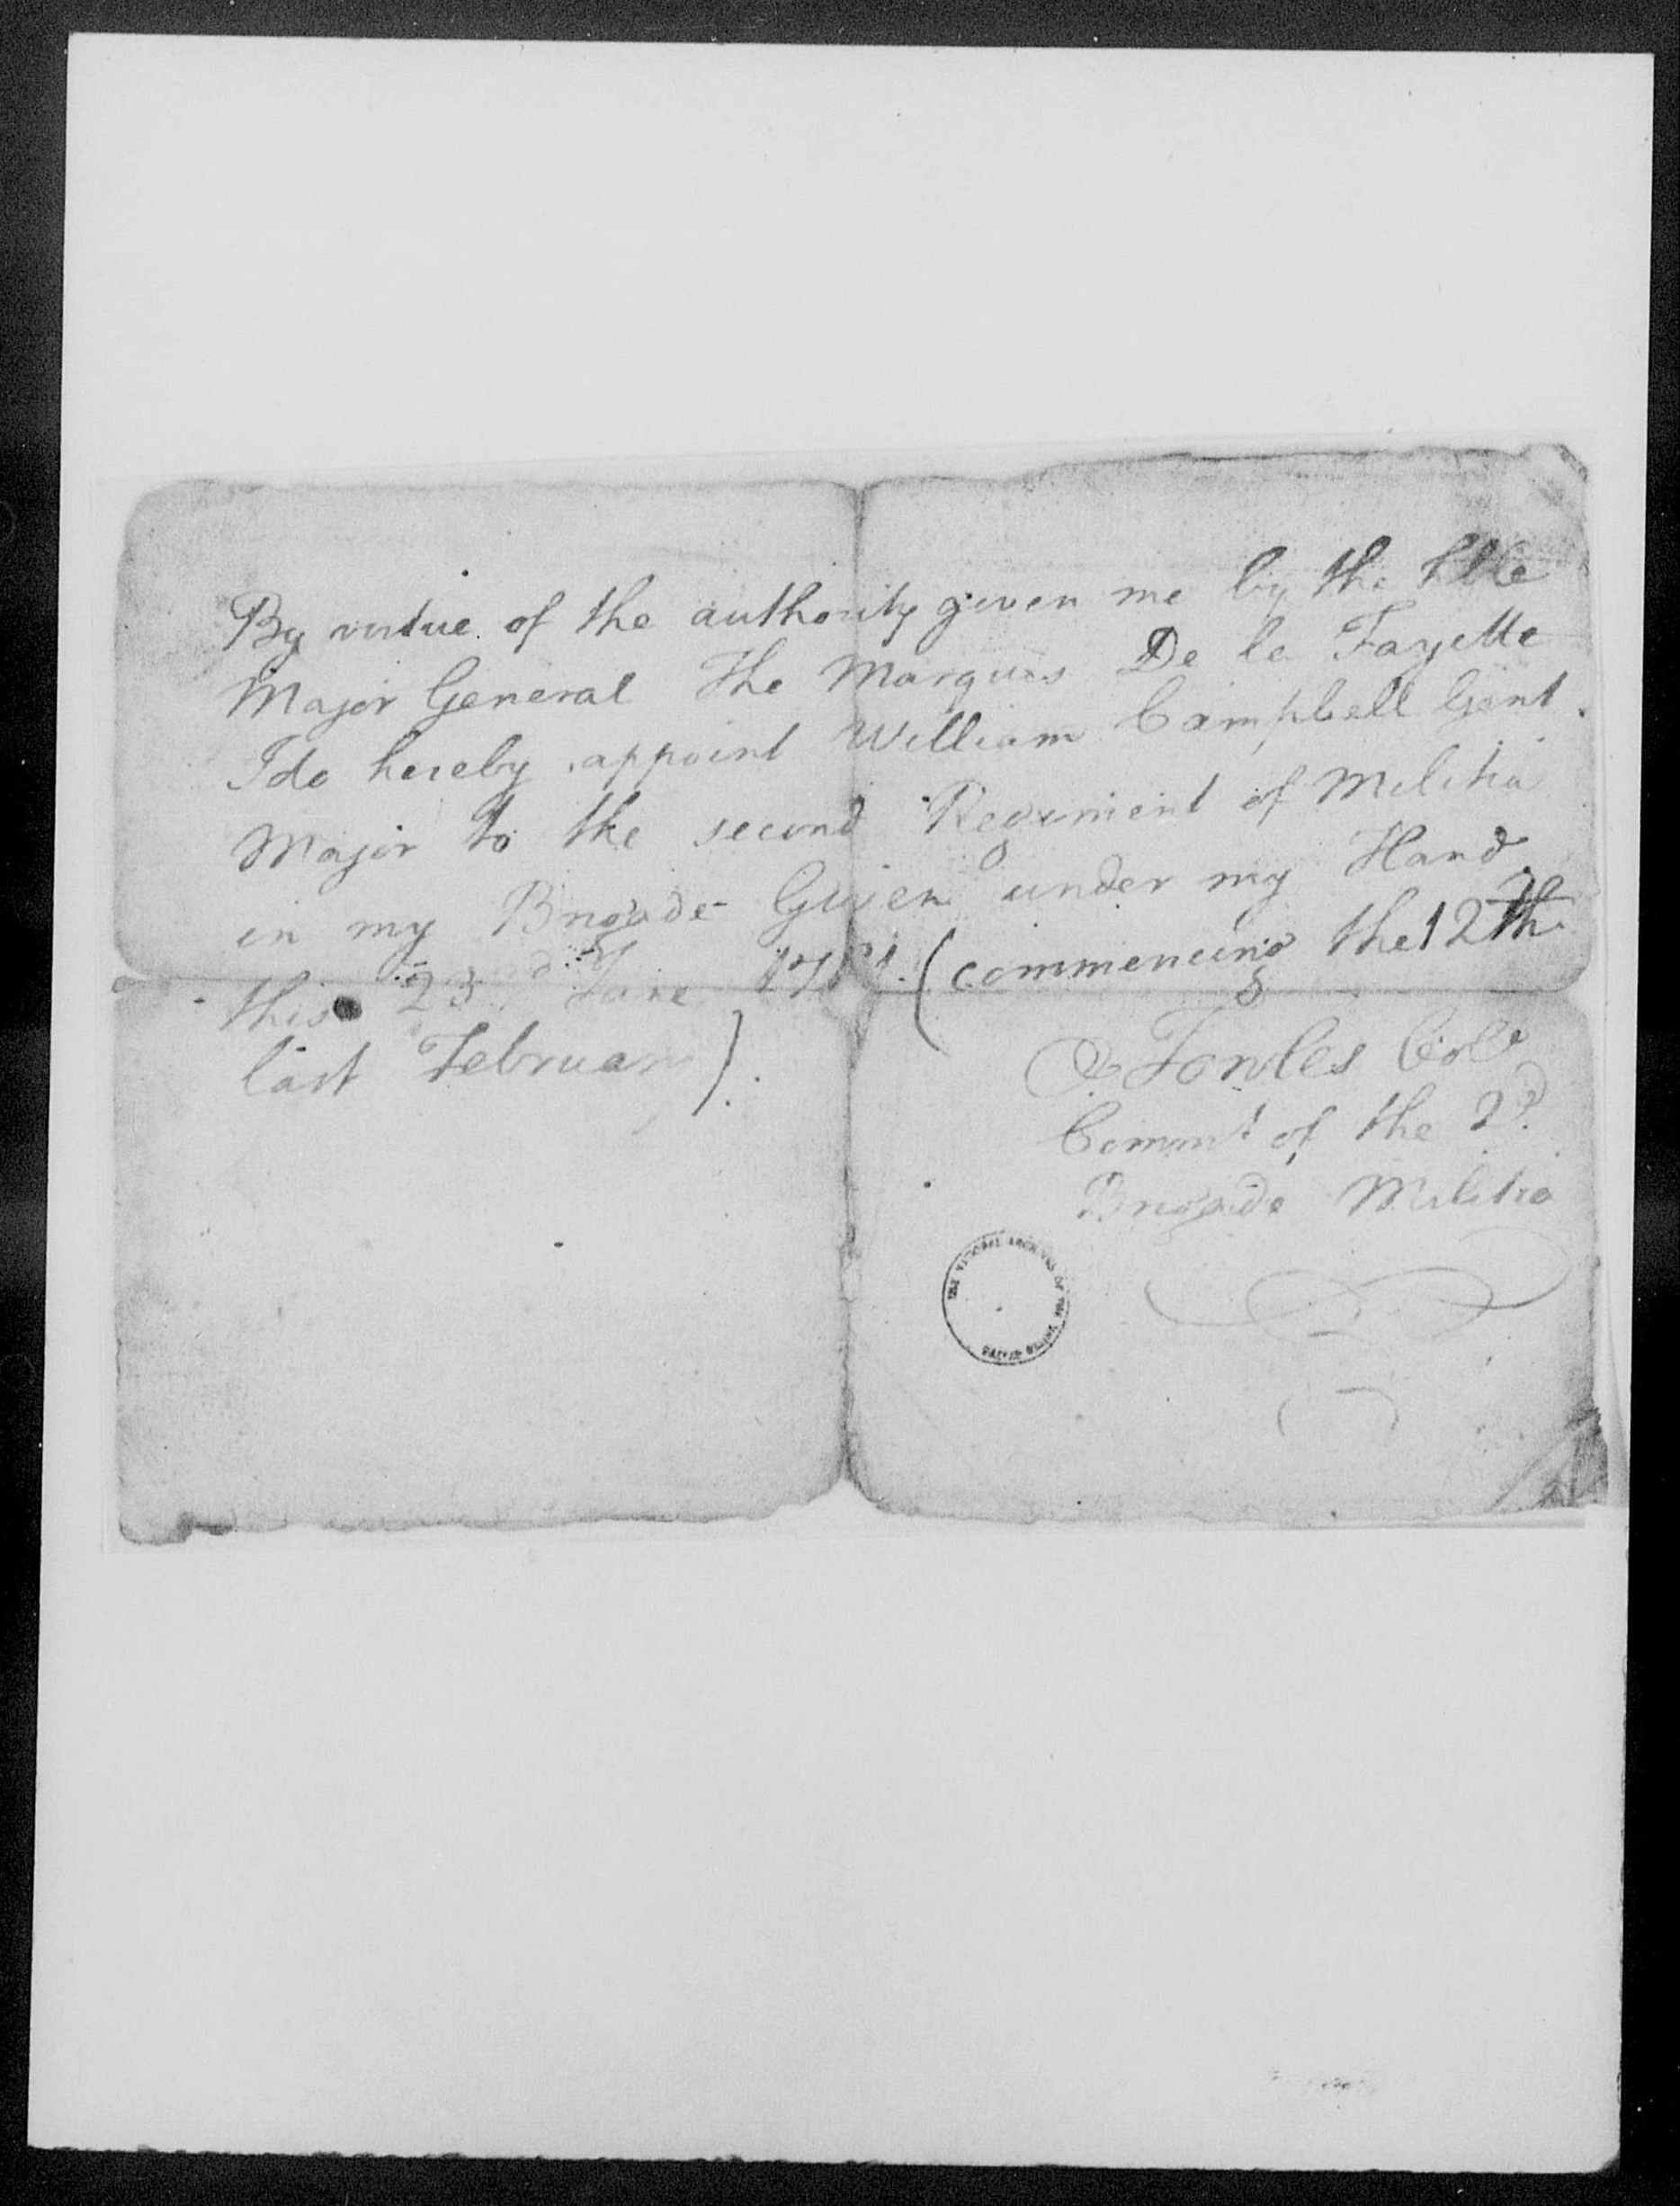By virtue of the authority given me by the Hble Major General The Marquis De Lafayette I do hereby appoint William Campbell Gent. Major to the second Regiment of Militia in my Brigade Given under my Hand this 23rd day of June 1781.  (commencing the 12th last February)

O. Towles Colo.
Commt of the 2nd 
Brigade Militia

[circular seal at bottom of document with illegible printing inside]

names: O Fowles, Tho Marguis De Le Fayette, William Campbell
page: 73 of 267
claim: widow's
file: W. 4,149, William Campbell, Va.